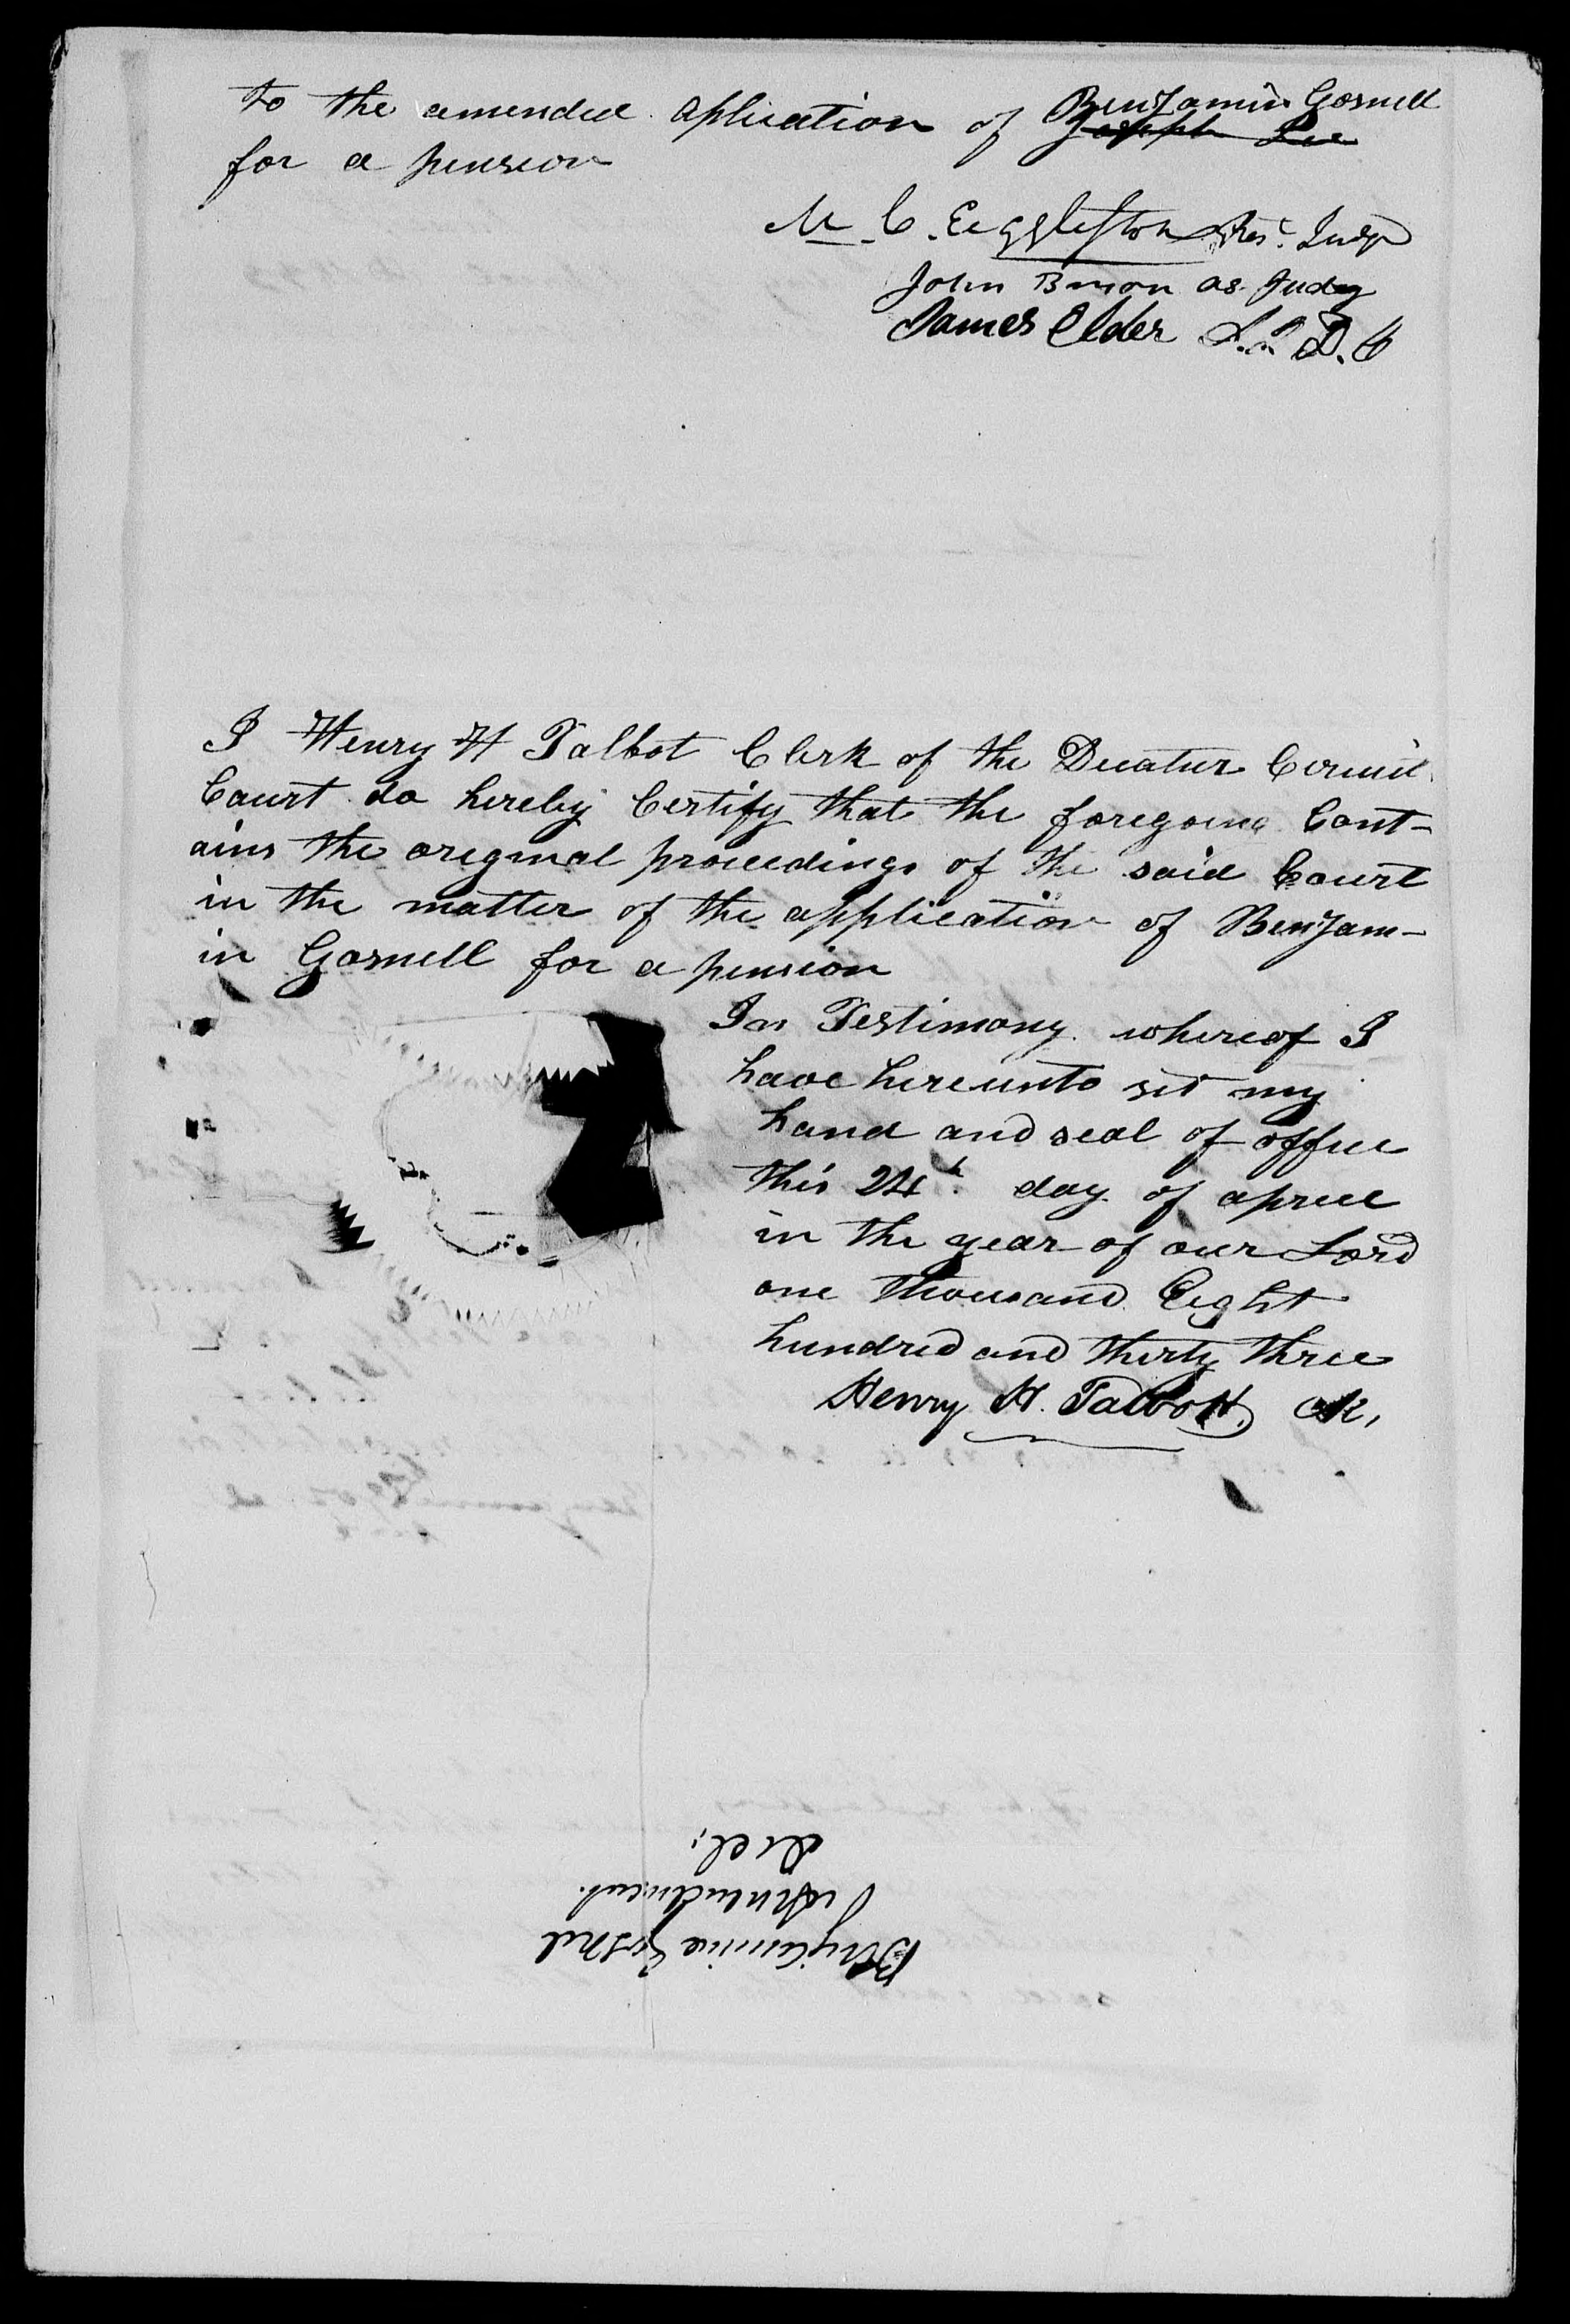[continued from previous]
to the amended application of Benjamin Gosnell for a pension [the name Joseph Love is struck through]
M.C. Eggleston Pres. Judge
John Benson as. Judge
James Elder A.J.D.C.

I Henry H Talbot Clerk of the Decatur Circuit Court do hereby Certify that the foregoing contains the original proceedings of the said Court in the matter of the application of Benjamin Gosnell for a pension
In Testimony whereof I have hereunto set my hand and seal of office this 24th day of April in the year of our Lord on thousand Eight hundred and thirty three
Henry H Talbott. Clk.

[to left of signature is a stamped seal with pinking ribbon]

[at bottom of document; upside down]
Benjamin Gosnel 
Amended Decl:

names: John Benson, Benjamin Gosnell, M C Eggleston, Henry H Talbott, Henry H Talbot, Benjamin Gosnell, James Elder, Benjamin Gosnel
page: 39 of 39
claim: widow's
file: W. 11060, Benjamin Gosnell, Va.